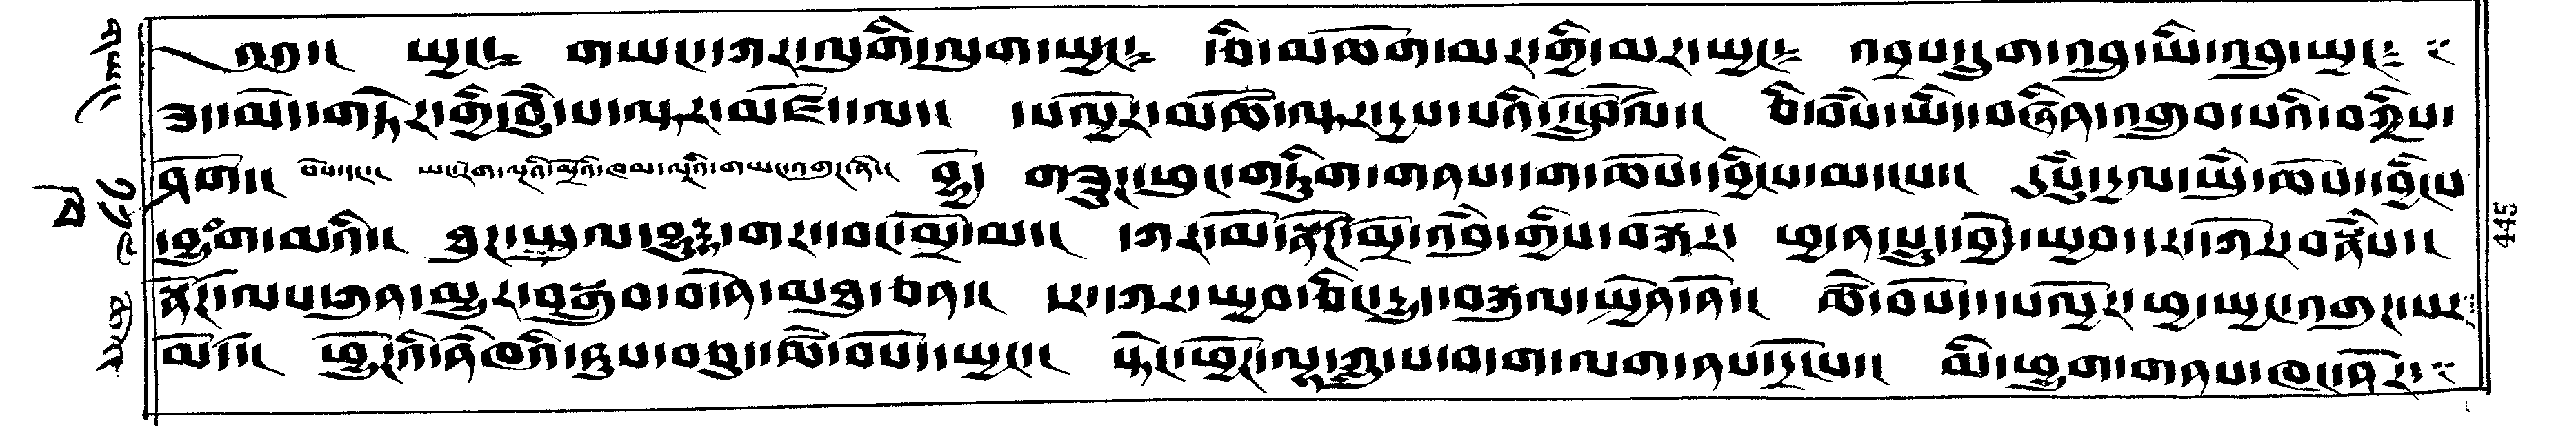གཡང༴ གཡང་དཀར་ལུག་གི་ལུག་གཡང༴ རྩི་མཆོག་མར་གྱི་མར་གཡང༴ འབྲས་དྲུག་འབྲུ་ཡི་འབྲུ་གཡང༴ 
ཟང་མེད་གཏེར་གྱི་བུམ་པ་ལྟར་མཛོད་ལ། དཔལ་འབྱོར་མཚོ་ལྟར་རྒྱས་པའི་དངོས་གྲུབ་སྩོལ། ཅི་བསམ་ཡིད་བཞིན་འགྲུབ་པའི་བཀྲ་ཤིས་
ཤོག ཅེས་དང་། ཡང་རིགས་ལྔའི་མཁའ་འགྲོའི་ཁམས་ལྔའི་གཡང་འགུགས་ནི། བྷྱོ། གཟུགས་ཕུང་གཏི་མུག་གནས་དག་ཆོས་དབྱིངས་མདངས། དུས་གསུམ་རྒྱལ་ཡུམ་ཆོས་དབྱིངས་
དབང་ཕྱུག་མའི། ཐུགས་སྤྲུལ་བུདྷ་གར་དབང་མཁའ་འགྲོ་མ། །དཀར་མོ་སྣ་ཚོགས་མཁའ་འགྲོ་འབུམ་གྱིས་བསྐོར། །ཕྱག་ན་སྡུད་བྱེད་གཡབ་དར་དཀར་པོ་བསྣམས། །
སྣ་ཚོགས་ལས་ཀུན་མྱུར་བསྒྲུབ་བདེན་མཐུ་ཅན། །དར་དཀར་གཡབ་ཅིང་རྒྱུད་བསྐུལ་སྤྱན་འདྲེན་ནོ། ཚེ་བསོད་དཔལ་འབྱོར་ཕྱྭ་གཡང་འགུགས་པར་
མཛོད། །ཕྱོགས་བཅུའི་ནམ་མཁའི་ནུས་བཅུད་ཚེ་བསོད་གཡང་། །སྟེང་ཕྱོགས་ལྷ་ཀླུ་ས་བདག་ལག་ནས་དྲོངས། །མི་ཕྱུགས་གནས་ཁང་ནོར།